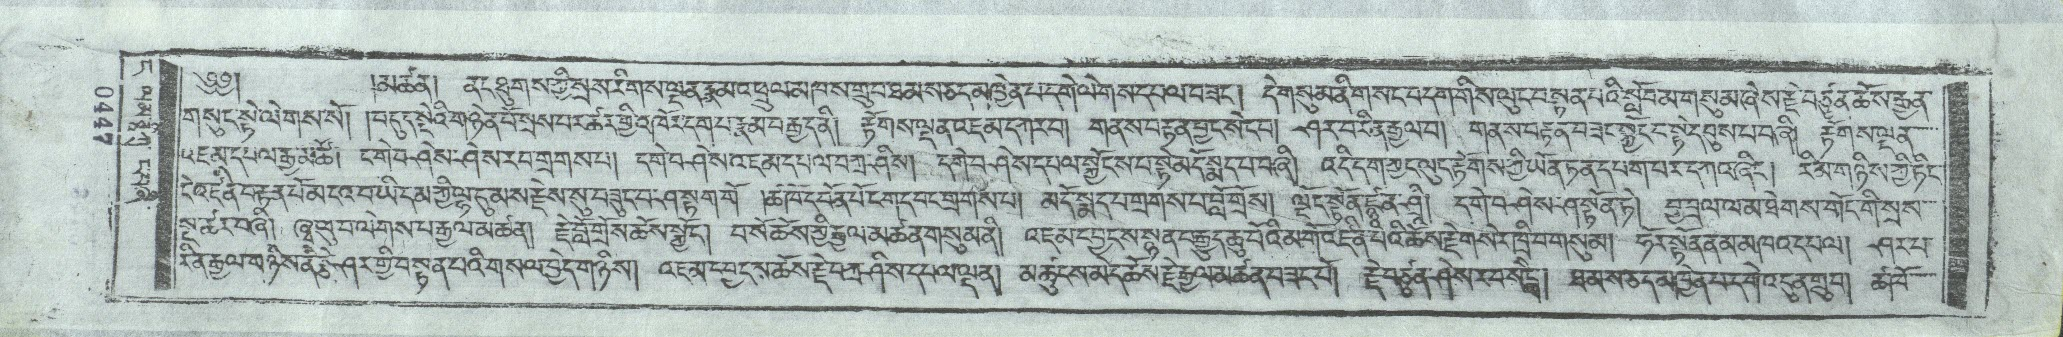༄༅། །མཚན། ནང་ཐུགས་ཀྱི་སྲས་རིགས་ལྡན་རྣམ་འཕྲུལ་མཁས་གྲུབ་ཐམས་ཅད་མཁྱེན་པ་དགེ་ལེགས་དཔལ་བཟང་། དེ་གསུམ་ནི་གསང་བདག་གིས་ལུང་བསྟན་པའི་སློབ་མ་གསུམ་ཞེས་རྗེ་བཙུན་ཆོས་རྒྱན་
གསུང་སྟེ་ལེགས་སོ། །བདུད་སྡེའི་གཉེན་པོ་སྲས་བར་ཚར་གྱི་འཁོར་དག་པ་རྣམ་བརྒྱད་ནི། རྟོགས་ལྡན་འཇམ་དཀར་བ། གནས་བརྟན་བྱང་སེང་བ། ཤར་བ་རིན་རྒྱལ་བ། གནས་བརྟན་བཟང་སྐྱོང་བ་སྟེ་དབུས་པ་བཞི། རྟོགས་ལྡན་
འཇམ་དཔལ་རྒྱ་མཚོ། དགེ་བཤེས་ཤེས་རབ་གྲགས་པ། དགེ་བཤེས་འཇམ་དཔལ་བཀྲ་ཤིས། དགེ་བཤེས་དཔལ་སྐྱོངས་པ་སྟེ་མདོ་སྨད་པ་བཞི། འདི་དག་ཀྱང་ལུང་རྟོགས་ཀྱི་ཡོན་ཏན་དཔག་པར་དཀའ་ཞིང་། རིམ་གཉིས་ཀྱི་ཏིང་
དེ་འཛིན་བརྟན་པོ་མངའ་བ་ཡི་དམ་ཀྱི་ལྷ་དུ་མས་རྗེས་སུ་བཟུང་བ་ཤ་སྟག་གོ །ཚ་ཁོ་དབོན་པོ་ངག་དབང་གྲགས་པ། མདོ་སྨད་པ་གྲགས་པ་བློ་གྲོས། ལྡོང་སྟོན་ཛྙཱ་ན་ཤྲཱི། དགེ་བཤེས་ཤ་སྟོན་ཏེ། བྱ་བྲལ་ལ་མ་ཐེགས་གོང་གི་སྲས་
སྔ་ཚར་བཞི། ཞྭ་ལུ་བ་ལེགས་པ་རྒྱལ་མཚན། རྗེ་བློ་གྲོས་ཆོས་སྐྱོང་། བ་སོ་ཆོས་ཀྱི་རྒྱལ་མཚན་གསུམ་ནི། འཇམ་དབྱངས་སྙན་བརྒྱུད་ཆུ་བོའི་མགོ་འཛིན་པའི་ཆོས་རྗེ་གསེར་ཁྲི་བ་གསུམ། ཧོར་སྟོན་ནམ་མཁའ་དཔལ། ཤར་པ་
རིན་རྒྱལ་གཉིས་ནི་རྩེ་ཤར་གྱི་བསྟན་པའི་གསལ་བྱེད་གཉིས། འཇམ་དབྱངས་ཆོས་རྗེ་བཀྲ་ཤིས་དཔལ་ལྡན། མཚུངས་མེད་ཆོས་རྗེ་རྒྱལ་མཚན་བཟང་པོ། རྗེ་བཙུན་ཤེས་རབ་སེངྒེ། ཐམས་ཅད་མཁྱེན་པ་དགེ་འདུན་གྲུབ། ཚ་ཁོ་